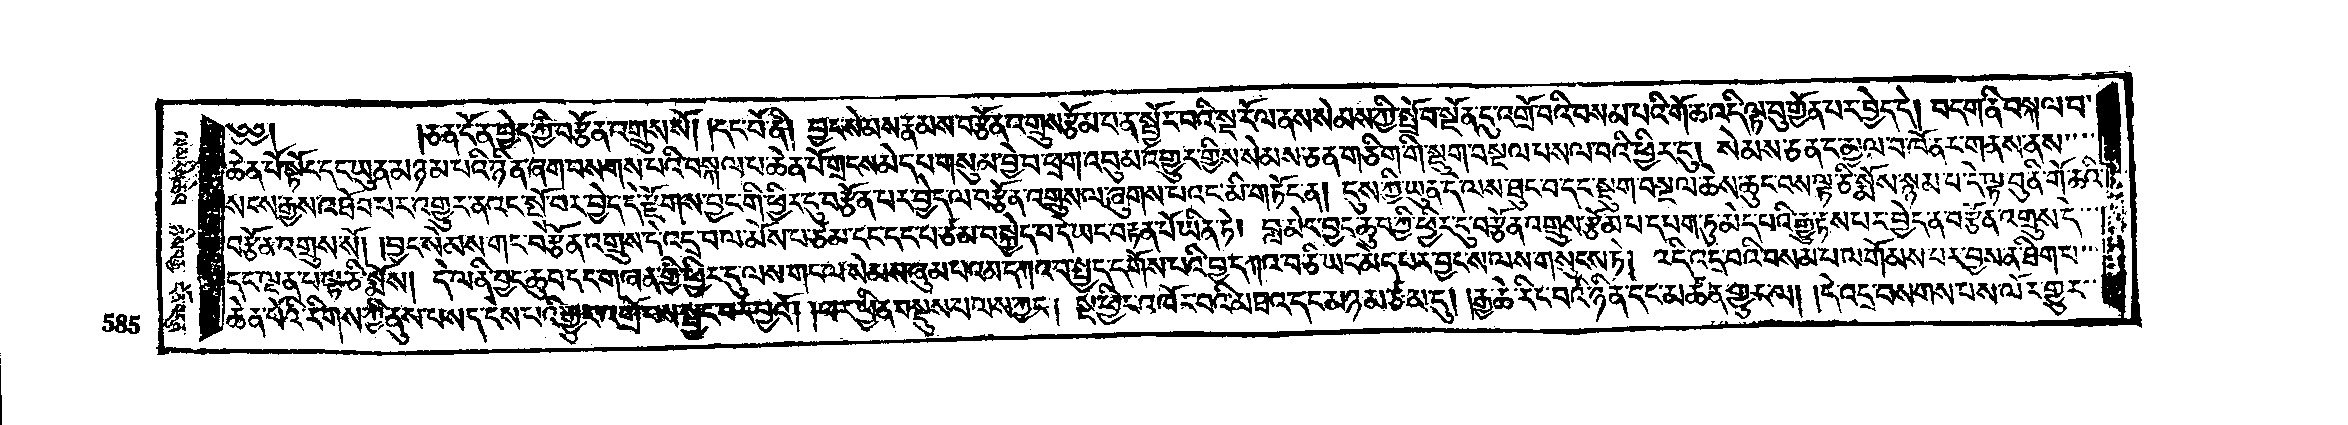༄༅། །ཅན་དོན་བྱེད་ཀྱི་བརྩོན་འགྲུས་སོ། །དང་པོ་ནི། བྱང་སེམས་རྣམས་བརྩོན་འགྲུས་རྩོམ་པ་ན་སྦྱོར་བའི་སྔ་རོལ་ནས་སེམས་ཀྱི་སྤྲོ་བ་སྔོན་དུ་འགྲོ་བའི་བསམ་པའི་གོ་ཆ་འདི་ལྟ་བུ་གྱོན་པར་བྱེད་དེ། བདག་ནི་བསྐལ་པ་
ཆེན་པོ་སྟོང་དང་ཡུན་མཉམ་པའི་ཉིན་ཞག་བསགས་པའི་བསྐལ་པ་ཆེན་པོ་གྲངས་མེད་པ་གསུམ་བྱེ་བ་ཕྲག་འབུམ་འགྱུར་གྱིས་སེམས་ཅན་གཅིག་གི་སྡུག་བསྔལ་བསལ་བའི་ཕྱིར་དུ། སེམས་ཅན་དམྱལ་བ་ཁོ་ནར་གནས་ནས་
སངས་རྒྱས་འཐོབ་པར་འགྱུར་ནའང་སྤྲོ་བར་བྱེད་དེ་རྫོགས་བྱང་གི་ཕྱིར་དུ་བརྩོན་པར་བྱེད་ལ་བརྩོན་འགྲུས་ལ་ཞུགས་པའང་མི་གཏོང་ན། དུས་ཀྱི་ཡུན་དེ་ལས་ཐུང་བ་དང་སྡུག་བསྔལ་ཆེས་ཆུང་བས་ལྟ་ཅི་སྨོས་སྙམ་པ་དེ་ལྟ་བུ་ནི་གོ་ཆའི་
བརྩོན་འགྲུས་སོ། །བྱང་སེམས་གང་བརྩོན་འགྲུས་དེ་འདྲ་བ་ལ་མོས་པ་ཙམ་དང་དད་པ་ཙམ་བསྐྱེད་པ་དེ་ཡང་བརྟན་པོ་ཡིན་ཏེ། བླ་མེད་བྱང་ཆུབ་ཀྱི་ཕྱིར་དུ་བརྩོན་འགྲུས་རྩོམ་པ་དཔག་ཏུ་མེད་པའི་རྒྱུ་རྟས་པར་བྱེད་ན་བརྩོན་འགྲུས་དེ་
དང་ལྡན་པ་ལྟ་ཅི་སྨོས། དེ་ལ་ནི་བྱང་ཆུབ་དང་གཞན་གྱི་ཕྱིར་དུ་ལས་གང་ལ་སེམས་ཞུམ་པའམ་དཀའ་བ་སྤྱད་དགོས་པའི་བྱ་དཀའ་བ་ཅི་ཡང་མེད་པར་བྱང་ས་ལས་གསུངས་ཏེ། འདི་འདྲ་བའི་བསམ་པ་ལ་གོམས་པར་བྱས་ན་ཐེག་པ་
ཆེན་པོའི་རིགས་ཀྱི་ནུས་པ་སད་ངེས་པའི་རྒྱུར་འགྲོ་བས་སྦྱང་བར་བྱའོ། །ཕར་ཕྱིན་བསྡུས་པ་ལས་ཀྱང་། སྔ་ཕྱིར་འཁོར་བའི་མཐའ་དང་མཉམ་ཙམ་དུ། །རྒྱ་ཆེ་རིང་བའི་ཉིན་དང་མཚན་གྱུར་ལ། །དེ་འདྲ་བསགས་པས་ལོར་གྱུར་